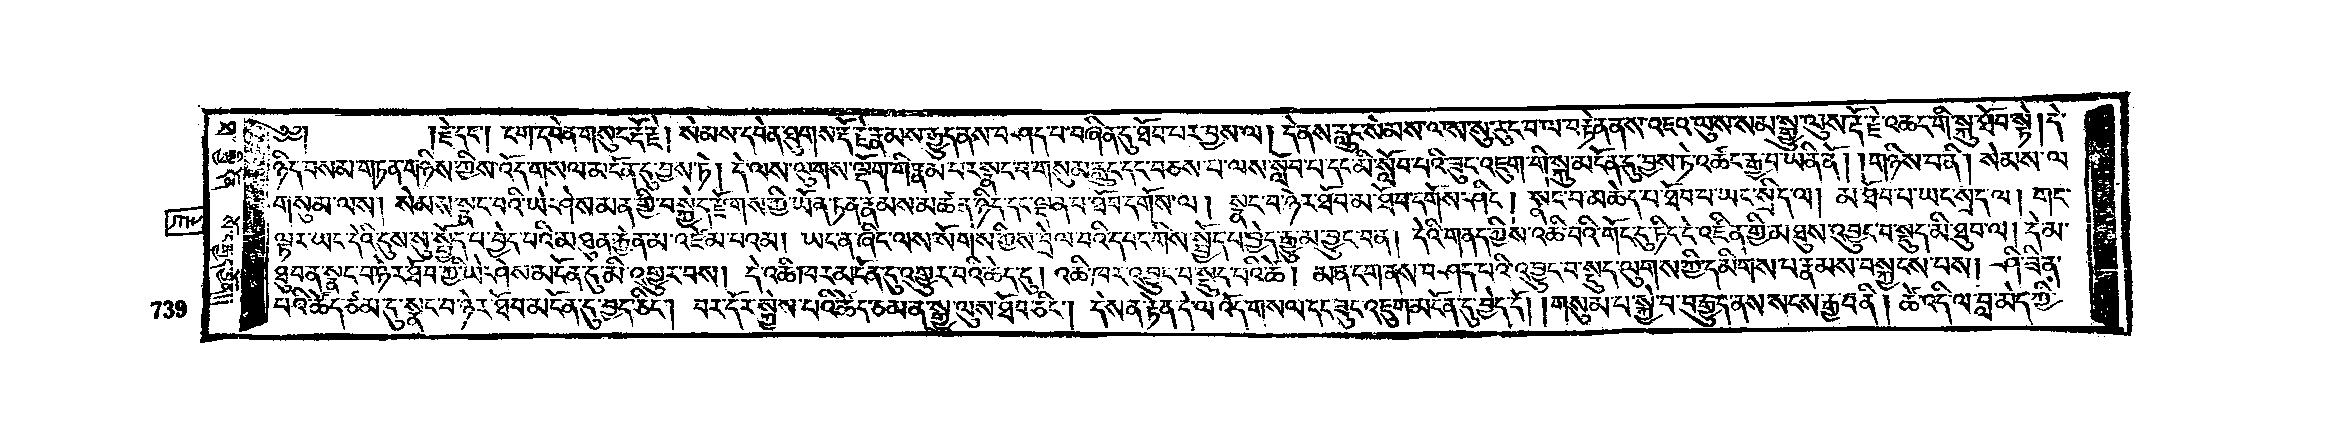༄༅། །རྗེ་དང་། ངག་དབེན་གསུང་རྡོ་རྗེ། སེམས་དབེན་ཐུགས་རྡོ་རྗེ་རྣམས་རྒྱུད་ནས་བཤད་པ་བཞིན་དུ་ཐོབ་པར་བྱས་ལ། དེ་ནས་རླུང་སེམས་ལས་སུ་རུང་བ་ལ་བརྟེན་ནས་འཇའ་ལུས་སམ་སྒྱུ་ལུས་རྡོ་རྗེ་འཆང་གི་སྐུ་ཐོབ་སྟེ། དེ་
ཉིད་བསམ་གཏན་གཉིས་ཀྱིས་འོད་གསལ་མངོན་དུ་བྱས་ཏེ། དེ་ལས་ལུགས་ལྡོག་གི་རྣམ་པར་སྣང་བ་གསུམ་རླུང་དང་བཅས་པ་ལས་སློབ་པ་དང་མི་སློབ་པའི་ཟུང་འཇུག་གི་སྐུ་མངོན་དུ་བྱས་ཏེ་འཚང་རྒྱ་བ་ཡིན་ནོ། །གཉིས་པ་ནི། སེམས་ལ་
གསུམ་ལས། སེམས་སྣང་བའི་ཡེ་ཤེས་མན་གྱི་བསྐྱེད་རྫོགས་ཀྱི་ཡོན་ཏན་རྣམས་མཚན་ཉིད་དང་ལྡན་པ་ཐོབ་དགོས་ལ། སྣང་བ་ཉེར་ཐོབ་མ་ཐོབ་དགོས་ཤིང་། སྣང་བ་མཆེད་པ་ཐོབ་པ་ཡང་སྲིད་ལ། མ་ཐོབ་པ་ཡང་སྲིད་ལ། གང་
ལྟར་ཡང་དའི་དུས་སུ་སྤྱོད་པ་བྱེད་པའི་མཐུན་རྐྱེན་མ་འཛམ་པའམ། ཡང་ན་ཞིང་ལས་སོགས་ཀྱིས་བྲེལ་བའི་དབང་གིས་སྤྱོད་པ་བྱེད་རྒྱུ་མ་བྱུང་བ་ན། དེའི་གནད་ཀྱིས་འཆི་བའི་གོང་དུ་ཏིང་ངེ་འཛིན་གྱི་མཐུས་འབྱུང་བ་སྡུད་མི་ཐུབ་ལ། དེ་མ་
ཐུབ་ན་སྣང་བ་ཉེར་ཐོབ་ཀྱི་ཡེ་ཤེས་མངོན་དུ་མི་འགྱུར་བས། དེ་འཆི་ཁར་མངོན་དུ་འགྱུར་བའི་ཆེད་དུ། འཆི་ཁར་འབྱུང་བ་སྡུད་པའི་ཚེ། མན་ངག་ནས་བཤད་པའི་འབྱུང་བ་སྡུད་ལུགས་ཀྱི་དམིགས་པ་རྣམས་བསྐྱངས་པས། ཤི་ཟིན་
པའི་ཚོད་ཙམ་དུ་སྣང་བ་ཉེར་ཐོབ་མངོན་དུ་བྱེད་ཅིང་། བར་དོར་སྐྱེས་པའི་ཚོད་ཙམ་ན་སྒྱུ་ལུས་ཐོབ་ཅིང་། དེས་ན་རྟེན་དེ་ལ་འོད་གསལ་དང་ཟུང་འཇུག་མངོན་དུ་བྱེད་དོ། །གསུམ་པ་སྐྱེ་བ་བརྒྱུད་ནས་སངས་རྒྱ་བ་ནི། ཚེ་འདི་ལ་བླ་མེད་ཀྱི་